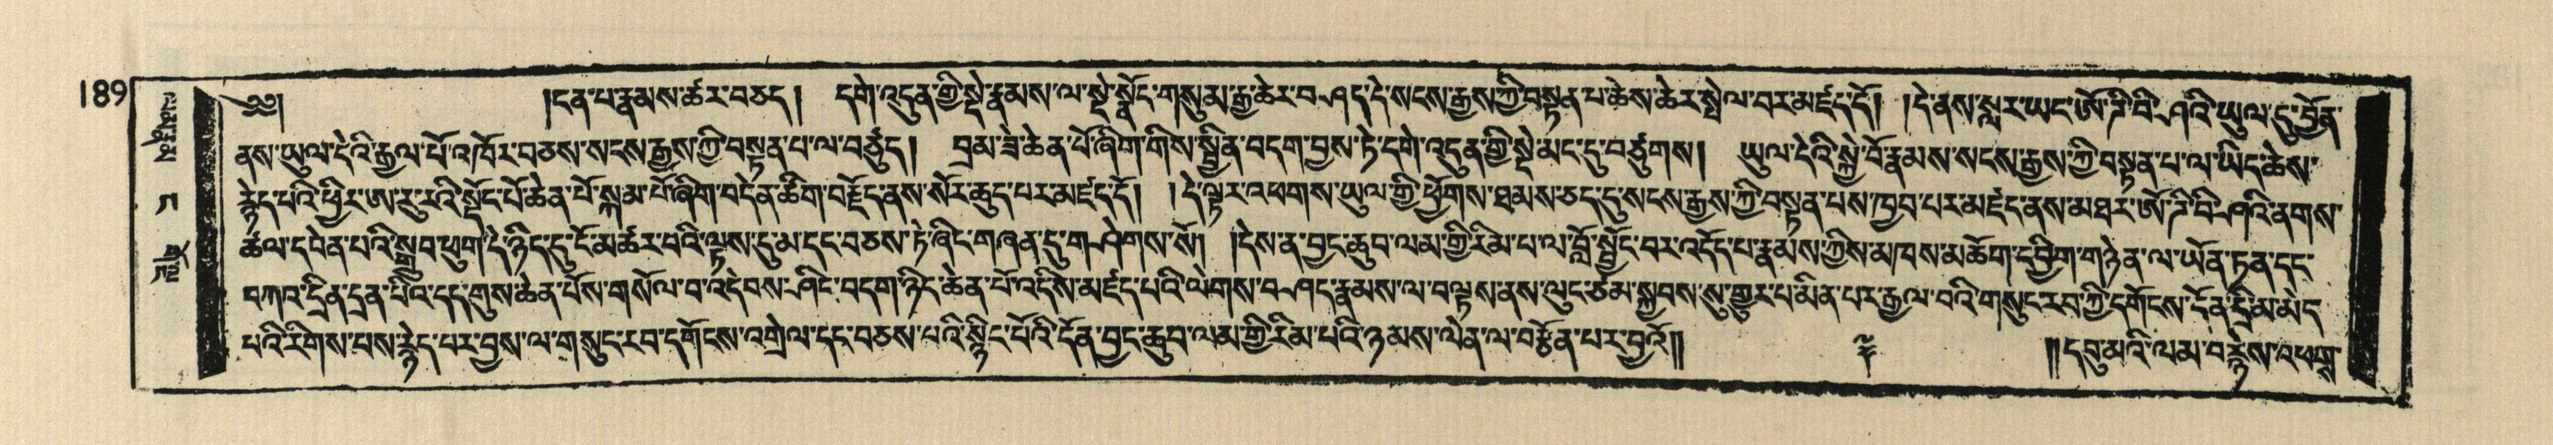༄༅། །ངན་པ་རྣམས་ཚར་བཅད། དགེ་འདུན་གྱི་སྡེ་རྣམས་ལ་སྡེ་སྣོད་གསུམ་རྒྱ་ཆེར་བཤད་དེ་སངས་རྒྱས་ཀྱི་བསྟན་པ་ཆེས་ཆེར་སྤེལ་བར་མཛད་དོ། །དེ་ནས་སླར་ཡང་ཨོ་ཌི་བི་ཤའི་ཡུལ་དུ་བྱོན་
ནས་ཡུལ་དེའི་རྒྱལ་པོ་འཁོར་བཅས་སངས་རྒྱས་ཀྱི་བསྟན་པ་ལ་བརྩུད། བྲམ་ཟེ་ཆེན་པོ་ཞིག་གིས་སྦྱིན་བདག་བྱས་ཏེ་དགེ་འདུན་གྱི་སྡེ་མང་དུ་བཙུགས། ཡུལ་དེའི་སྐྱེ་བོ་རྣམས་སངས་རྒྱས་ཀྱི་བསྟན་པ་ལ་ཡིད་ཆེས་
རྙེད་པའི་ཕྱིར་ཨ་རུ་རའི་སྡོང་པོ་ཆེན་པོ་སྐལ་པོ་ཞིག་བདེན་ཚིག་བརྗོད་ནས་སོར་ཆུད་པར་མཛད་དོ། །དེ་ལྟར་འཕགས་ཡུལ་གྱི་ཕྱོགས་ཐམས་ཅད་དུ་སངས་རྒྱས་ཀྱི་བསྟན་པས་ཁྱབ་པར་མཛད་ནས་མཐར་ཨོ་ཌི་བི་ཤའི་ནགས་
ཚལ་དབེན་པའི་སྒྲུབ་ཕུག་དེ་ཉིད་དུ་ངོ་མཚར་བའི་ལྟས་དུ་མ་དང་བཅས་ཏེ་ཞིང་གཞན་དུ་གཤེགས་སོ། །དེས་ན་བྱང་ཆུབ་ལམ་གྱི་རིམ་པ་ལ་བློ་སྦྱོང་བར་འདོད་པ་རྣམས་ཀྱིས་མཁས་མཆོག་དབྱིག་གཉེན་ལ་ཡོན་ཏན་དང་
བཀའ་དྲིན་དྲན་པའི་དད་གུས་ཆེན་པོས་གསོལ་བ་འདེབས་ཤིང་བདག་ཉིད་ཆེན་པོ་འདིས་མཛད་པའི་ལེགས་བཤད་རྣམས་ལ་བལྟས་ནས་ལུང་ཙམ་སྐྱབས་སུ་གྱུར་པ་མིན་པར་རྒྱལ་བའི་གསུང་རབ་ཀྱི་དགོངས་དོན་དྲི་མ་མེད་
པའི་རིགས་པས་རྙེད་པར་བྱས་ལ་གསུང་རབ་དགོངས་འགྲེལ་དང་བཅས་པའི་སྙིང་པོའི་དོན་བྱང་ཆུབ་ལམ་གྱི་རིམ་པའི་ཉམས་ལེན་ལ་བརྩོན་པར་བྱའོ།། ༈ །།དབུ་མའི་ལམ་བརྙེས་འཕགས་